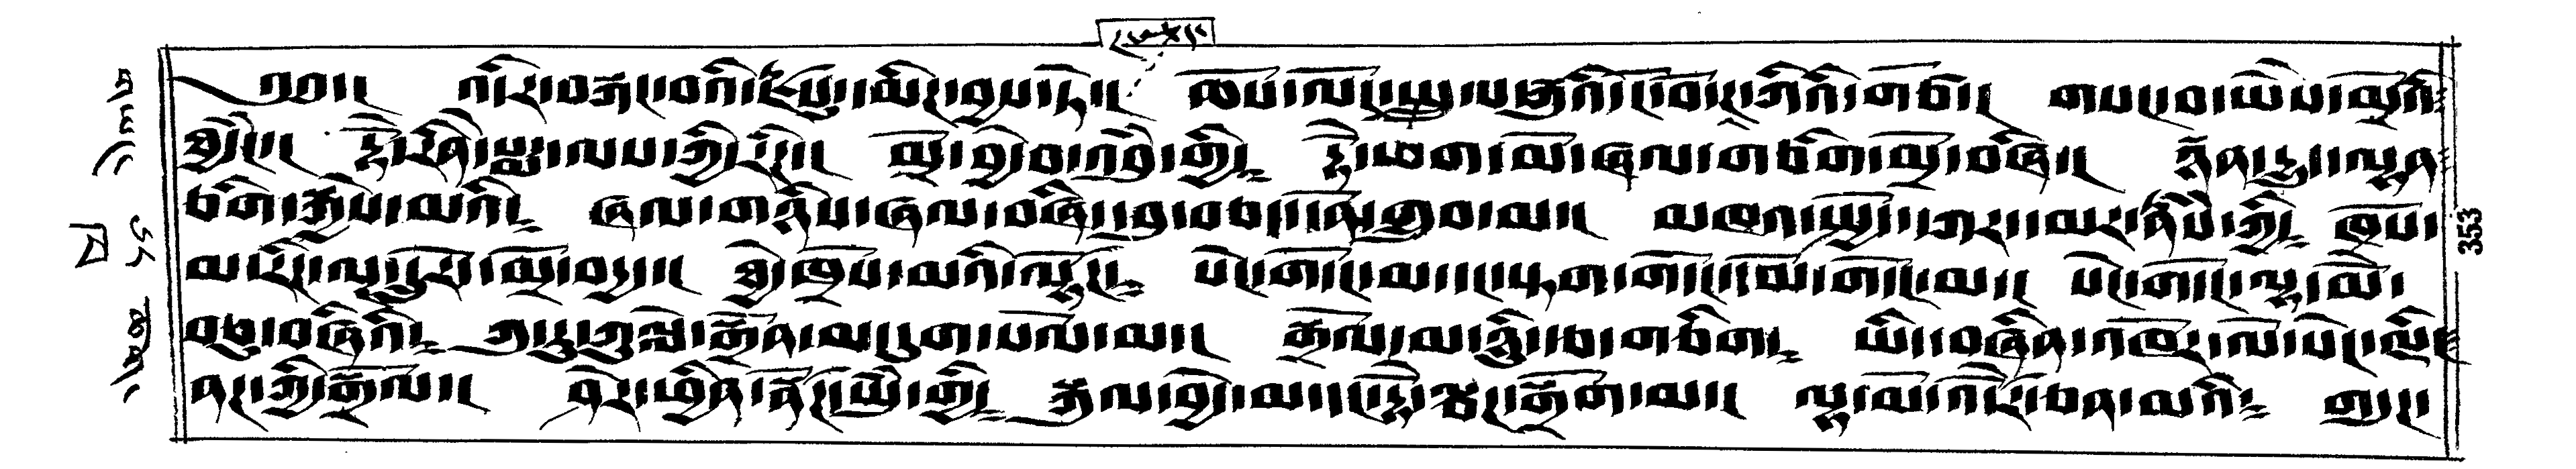འདིར་བསྐང་བའི་རྫས་སུ་དམིགས་བྱས་ཏེ། ། ཆོས་ལོངས་སྤྲུལ་སྐུའི་ངོ་བོ་ཌཱ་ཀིའི་བཙོ། །གསང་བ་ཡེ་ཤེས་
མཁའ་འགྲོའི༴ རྡོ་རྗེ་རིན་ཆེན་པདྨ་ལས་ཀྱི་རིགས། །མཁའ་འགྲོ་བྱེ་བ་འབུམ་གྱི༴ རྡོ་རྗེ་ཕག་མོ་ཞལ་གཅིག་མཁའ་འགྲོ་བཞི། །སྙན་རྒྱུད་ལྷན་
ཅིག་སྐྱེས་མའི༴ ཞལ་གཉིས་ཞལ་བཞི་དབུ་བཅད་དོན་གྲུབ་མ། །མཁའ་སྤྱོད་དཀར་དམར་རྣམས་ཀྱི༴ ཁྲཽས་
མ་རིགས་ལྔ་དུར་ཁྲོད་མཁའ་འགྲོ་བརྒྱད། །ཐུགས་རྗེ་ཁྲོས་མའི་ལྷ་ཚོགས༴ སེང་གདོང་མ་དང་སྟག་གདོང་དོམ་གདོང་མ། །སེང་གདོང་ལྷ་མོ་
བཅུ་བཞིའི༴ ཀུ་རུ་ཀུལླེ་སྒྲོན་མ་དུག་སེལ་མ། །སྒྲོལ་མ་ཉི་ཤུ་རྩ་གཅིག༴ ཡིད་བཞིན་འཁོར་ལོ་སེང་སྡིང་
ནགས་ཀྱི་སྒྲོལ། །ཤེར་ཕྱིན་སྣ་ཚོགས་ཡུམ་གྱི༴ སྐུལ་བྱེད་མ་དང་རྡོ་རྗེ་ལྕགས་སྒྲོག་མ། །ལྷ་མོ་འོད་ཟེར་ཅན་མའི༴ གདུགས་